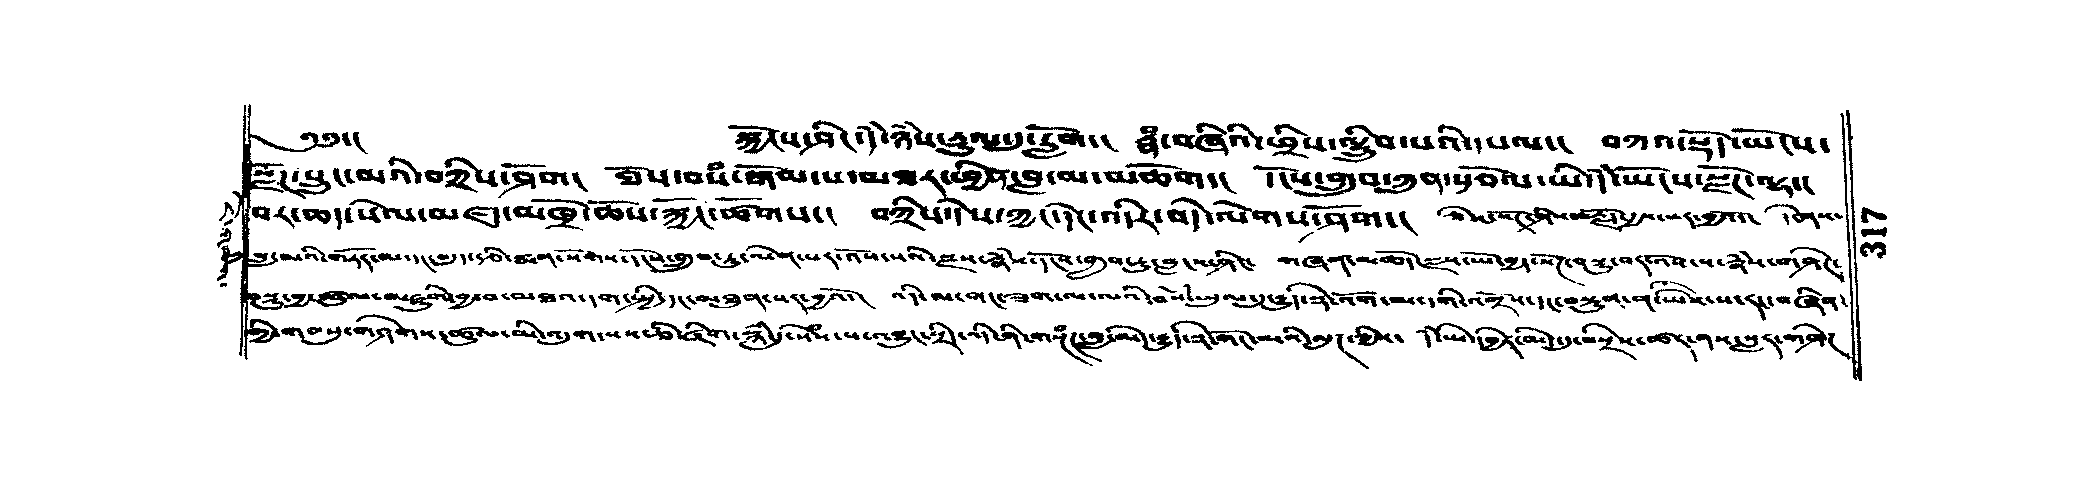སྐྱོངས་ཤིང་དམ་ཉམས་རྡུལ་དུ་རློག་རྣམ་བཞིའི་ཕྲིན་ལས་ལྷུན་གྱིས་གྲུབ་པའི་དཔལ། །བཀའ་སྡོད་ཡོངས་
རྫོགས་སྲུང་མའི་བཀྲ་ཤིས་ཤོག་།ཐོས་བསམ་སྒོམ་པ་མཐར་ཕྱིན་བླ་མ་མཆོག་།དངོས་གྲུབ་ཀུན་སྩོལ་ཡི་དམ་ཡོངས་རྫོགས་ལྷ། །
བར་ཆད་སེལ་མཛད་མཁའ་འགྲོ་ཆོས་སྐྱོང་ཚོགས། །བཀྲ་ཤིས་དེས་ཀྱང་དེང་འདིར་བདེ་ལེགས་ཤོག་། ཅེས་སོགས་ཤིས་བརྗོད་རྒྱས་པར་བྱའོ། དེ་ནས་
བླ་མའི་གཏོར་མ་དང་བདུད་རྩི་སྨན་སོགས་དངོས་གྲུབ་ཏུ་ལེན་པར་འོས་པའི་རྫས་རྣམས་དངོས་གྲུབ་ཏུ་བླངས་ཤིང་། གཞན་མཆོད་རྫས་ཡོ་བྱད་སོགས་བསྡུ་བར་འོས་པ་རྣམས་གཤེགས་
བསྡུ་བྱ་ཚུལ་མཇུག་གི་བྱ་བ་མཐའ་དག་སྤྱི་དང་མཐུན་པར་བྱའོ། འདི་ལ་གང་ཟག་ལ་ལའི་བསམ་ཡུལ་དུ་རྒྱུད་སྡེ་འོག་མ་དག་གི་འགྲོས་དང་བསྟུན་ན་ཡེ་ཤེས་པ་རང་བཞིན་
གྱི་གནས་སུ་གཤེགས་ཚུལ་མི་འདུག་པས་ཅི་ཞིག་སྙམ་དུ་སེམས་པ་འབྱུང་སྲིད་འདི་ནི་གསང་སྔགས་བླ་མེད་རྒྱུད་སྡེ་གོང་མའི་ལུགས་ཀྱིས་དམ་ཡེ་དབྱེར་མེད་དུ་བསྲེས་ཚར་ནས་སླར་གཤེགས་